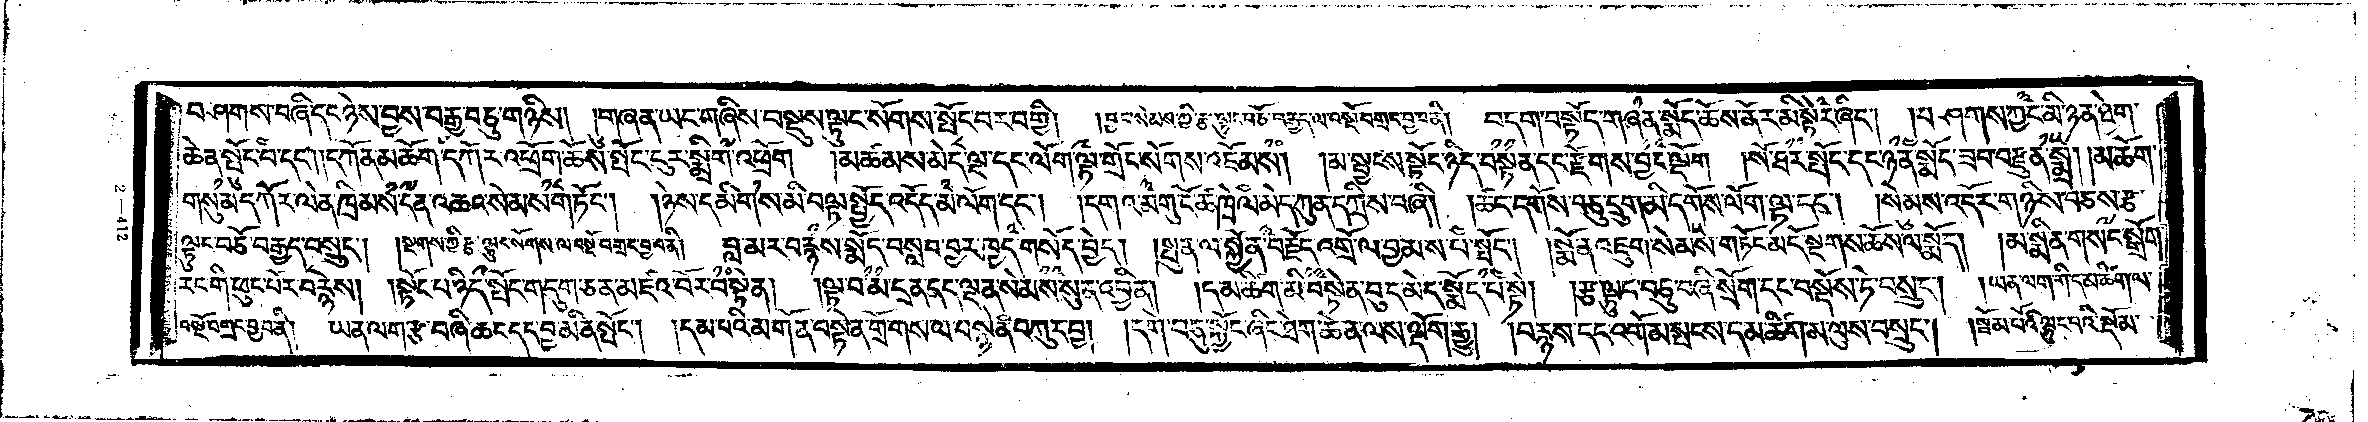བཤགས་བཞི་དང་ཉེས་བྱས་བརྒྱ་བཅུ་གཉིས། །གཞན་ཡང་གཞིས་བསྡུས་ལྟུང་སོགས་སྤོང་བར་བགྱི། །བྱང་སེམས་ཀྱི་རྩ་ལྟུང་བཅོ་བརྒྱད་ལ་བསྡོ་བགྲང་བྱ་བ་ནི།  བདག་བསྟོད་གཞན་སྨོད་ཆོས་ནོར་མི་སྟེར་ཞིང་། །བཤགས་ཀྱང་མི་ཉན་ཐེག་
ཆེན་སྤོང་བ་དང་། །དཀོན་མཆོག་དཀོར་འཕྲོག་ཆོས་སྤོང་ངུར་སྨྲིག་འཕྲོག །མཚམས་མེད་ལྔ་དང་ལོག་ལྟ་གྲོང་སོགས་འཇོམས། །མ་སྦྱངས་སྟོང་ཉིད་བསྟན་དང་རྫོགས་བྱང་ལྡོག །སོ་ཐར་སྤོང་དང་ཉན་སྨོད་ཟབ་བརྫུན་སྨྲ། །མཆོག་
གསུམ་དཀོར་ལེན་ཁྲིམས་དན་འཆའ་སེམས་གཏོང་། །ཉེས་དམིགས་མི་བལྟ་སྤྱོད་འདོད་མ་ལོག་དང་། །དགའ་མགུ་ངོ་ཚ་ཁྲེལ་མེད་ཀུན་དཀྲིས་བཞི། །ཚང་དགོས་བཅུ་དྲུག་མི་དགོས་ལོག་ལྟ་དང་། །སེམས་འདོར་གཉིས་བཅས་རྩ་
ལྟུང་བཅོ་བརྒྱད་བསྲུང་། །སྔགས་ཀྱི་རྩ་ལྟུང་སོགས་ལ་བསྔོ་བགྲང་བྱ་བ་ནི།  བླ་མར་བརྙས་སྨོད་བསླབ་བྱར་ཁྱད་གསོད་བྱེད། །སྤུན་ལ་སྐྱོན་བརྗོད་འགྲོ་ལ་བྱམས་པ་སྤོང་། །སྨོན་འཇུག་སེམས་གཏོང་མདོ་སྔགས་ཆོས་ལ་སྨོད། །མ་སྨིན་གསང་སྒྲོག་
རང་གི་ཕུང་པོར་བརྙེས། །སྟོང་པ་ཉིད་སྤོང་གདུག་ཅན་མཛའ་བོར་བསྟེན། །ལྟ་བ་མ་དྲན་དང་ལྡན་སེམས་སུན་འབྱིན། །དམ་ཚིག་མི་བསྙེན་བུད་མེད་སྨོད་པ་སྟེ། །རྩ་ལྟུང་བཅུ་བཞི་སྲོག་དང་བསྡོས་ཏེ་བསྲུང་། །ཡན་ལག་གི་དམ་ཚིག་ལ་
བསྔོ་བགྲང་བྱ་བ་ནི། ཡན་ལག་རྩ་བཞི་ཆང་དང་བྱ་མིན་སྤོང་། །དམ་པའི་མགོན་བསྟེན་གྲོགས་ལ་བསྙེན་བཀུར་བྱ། །དགེ་བཅུ་སྐྱོང་ཞིང་ཐེག་ཆེན་ལས་ལྡོག་རྒྱུ། །བརྙས་དང་འགོ་མ་སྤངས་དམ་ཚིག་མ་ལུས་བསྲུང་། །སྤོམ་པོའི་ལྟུང་བའི་སྡོམ་